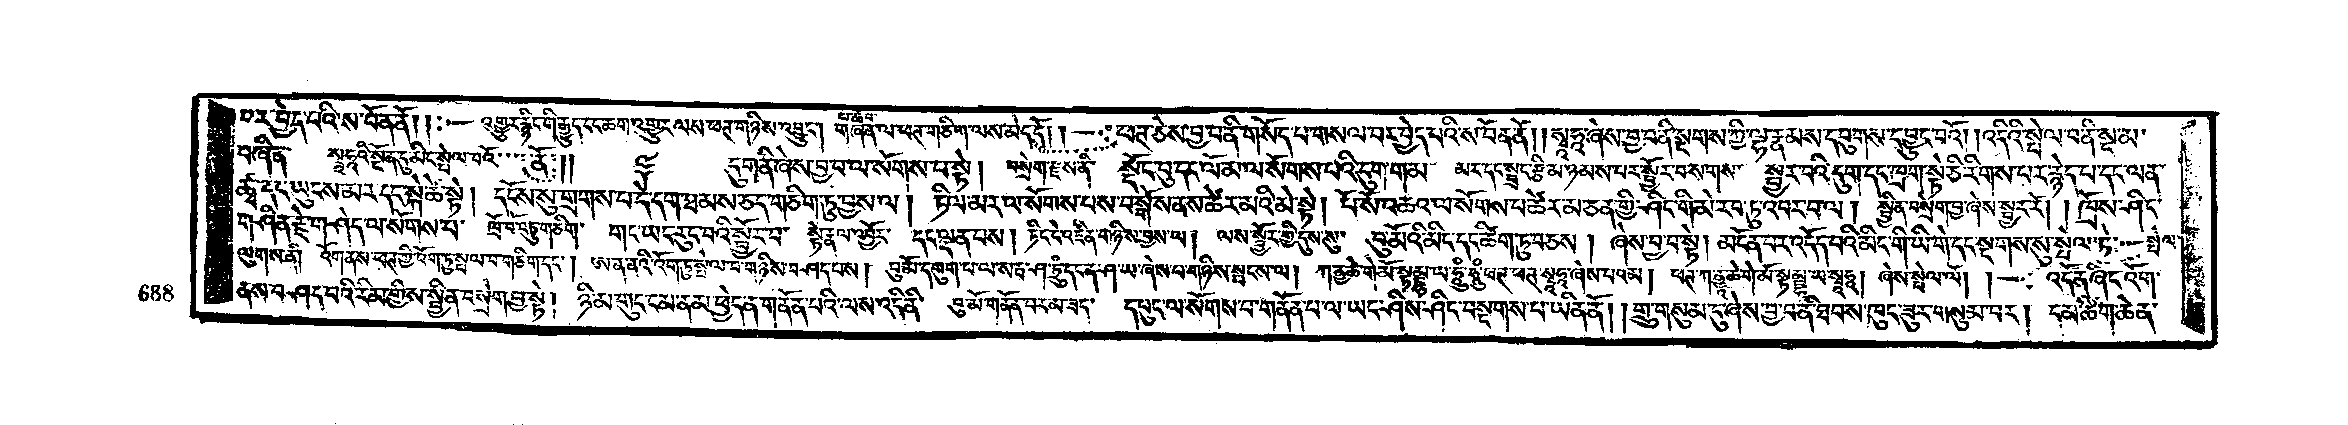བར་བྱེད་པའི་ས་བོན་ནོ། ། H.་འགྱུར་རྙིང་གི་རྒྱུད་དང་ཆག་འགྱུར་ལས་ཕཊ་གཉིས་འབྱུང་། པ་ཚབ་གཞན་ལ་ཕཊ་གཅིག་ལས་མེད་དོ། ། .H ཕཊ་ཅེས་བྱ་བ་ནི་གསོད་པ་གསལ་བར་བྱེད་པའི་ས་བོན་ནོ། །སྭཱཧཱ་ཞེས་བྱ་བ་ནི་སྔགས་ཀྱི་ལྷ་རྣམས་དབུགས་དབྱུང་བའོ། །འདིའི་སྤེལ་བ་ནི་སྔ་མ་
བཞིན་སྭཱཧཱའི་སྔོན་དུ་མིང་སྤེལ་བའོ་ནོ།། ༈ དུག་ནི་ཞེས་བྱ་བ་ལ་སོགས་པ་སྟེ། བསྲེག་རྫས་ནི་སྡོང་བུ་དང་ལོ་མ་ལ་སོགས་པའི་དུག་གམ་མར་དང་སྦྲང་རྩི་མ་ཉམས་པར་སྦྱོར་བ་སགས་སྦྱར་བའི་དུག་དང་ཁྲག་སྟེ་ཅི་རིགས་པར་རྙེད་པ་དང་ལན་
ཚྭ་དང་ཡུངས་མར་དང་སྐེ་ཚེ་སྟེ། དངོས་སུ་གྲགས་པ་དེ་དག་ཐམས་ཅད་གཅིག་ཏུ་བྱས་ལ། ཏིལ་མར་ལ་སོགས་པས་བསྒོས་ནས་ཚེར་མའི་མེ་སྟེ། པོ་སོ་འཚའ་?་ལ་སོགས་པ་ཚེར་མ་ཅན་གྱི་ཤིང་གི་མེ་རབ་ཏུ་འབར་བ་ལ། སྦྱིན་བསྲེག་བྱ་ཞེས་སྦྱར་རོ། །ཁྲོས་ཤིང་
གཤིན་རྗེ་གཤེད་ལ་སོགས་པ་ཁྲོ་བོ་བཅུ་གཅིག་གང་ཡང་རུང་བའི་སྦྱོར་བ་སྟེ་རྣལ་འབྱོར་དང་ལྡན་པས། ཏིང་ངེ་འཛིན་གཉིས་བྱས་ལ། ལས་སྦྱོར་གྱི་དུས་སུ་བུ་མོའི་མིང་དང་ཚིག་ཏུ་བཅས། ཞེས་བྱ་བ་སྟེ། མངོན་པར་འདོད་པའི་མིང་གི་ཡི་གེ་དང་སྔགས་སུ་སྤེལ་ཏེ་H.་སྤེལ་
ལུགས་ནི། འོག་ནས་ཕཊ་ཀྱི་འོག་ཏུ་སྤེལ་བ་གཅིག་དང་། ཨ་ན་ནའི་འོག་ཏུ་སྤེལ་བ་གཉིས་བཤད་པས། བུ་མོ་དགུག་པ་ལ་སརྦ་ཤ་ཏྲུཾ་དང་ན་ཤ་ཡ་ཞེས་པ་གཉིས་སྤངས་ལ། ཀ་ནྱ་ཆེ་གེ་མོ་སྟམྦྷ་ཡ་ཧཱུཾ་ཧཱུཾ་ཕཊ་ཕཊ་སྭཱཧཱ་ཞེས་པའམ། ཕཊ་ཀ་ནྱཱ་ཆེ་གེ་མོ་སྟམྦྷ་ཡ་སྭཱཧཱ། ཞེས་སྤེལ་ལོ། ། .H འདོན་ཞིང་འོག་
ནས་བཤད་པའི་རིམ་གྱིས་སྦྱིན་བསྲེག་བྱ་སྟེ། ཉི་མ་གུང་ངམ་ནམ་ཕྱེད་ན་གནོན་པའི་ལས་འདི་ནི་བུ་མོ་གནོན་པར་མ་ཟད་དཔུང་ལ་སོགས་པ་གནོན་པ་ལ་ཡང་ཤིས་ཤིང་བསྔགས་པ་ཡིན་ནོ། །གྲུ་གསུམ་དུ་ཞེས་བྱ་བ་ནི་ཐབས་ཁུང་ཟུར་གསུམ་བར། དམ་ཚིག་ཆེན་